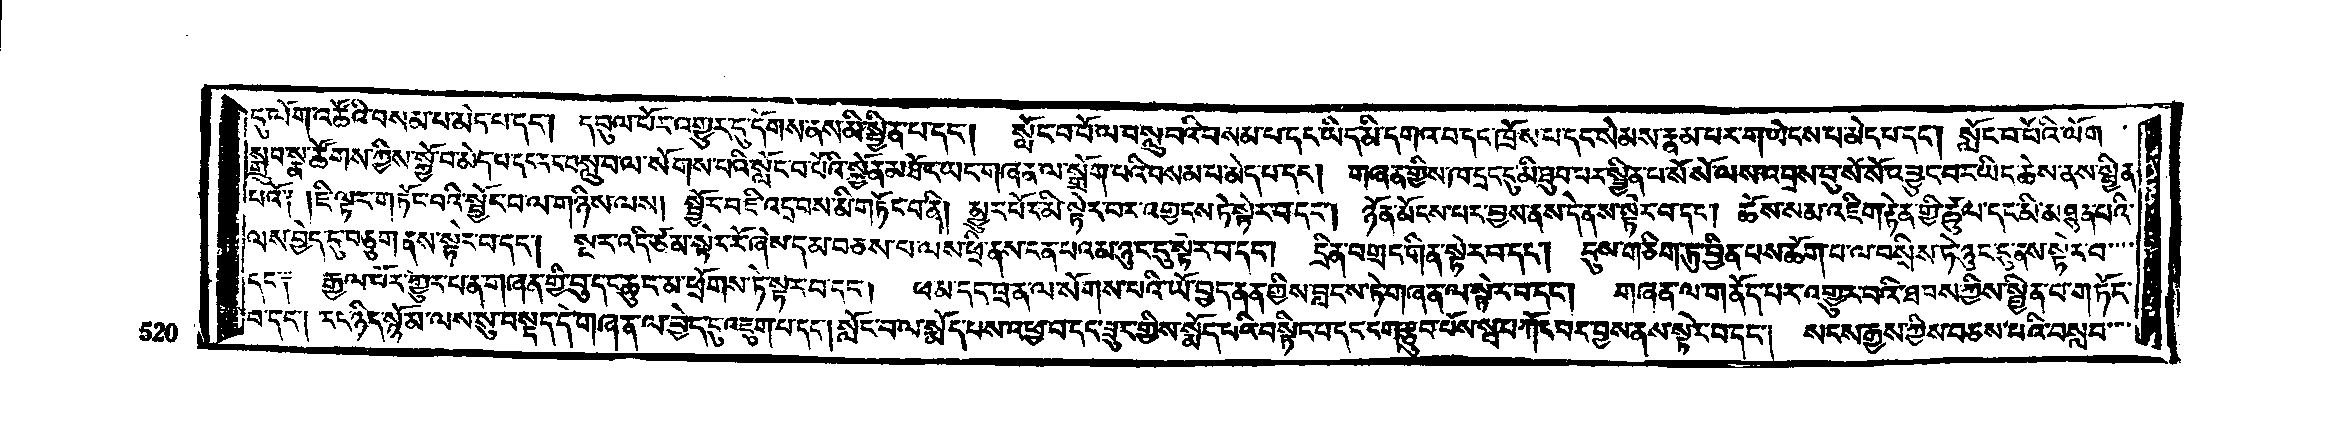དུ་ལོག་འཚོའི་བསམ་པ་མེད་པ་དང་། དབུལ་པོར་འགྱུར་དུ་དོགས་ནས་མི་སྦྱིན་པ་དང་། སློང་བ་པོ་ལ་བསླུ་བའི་བསམ་པ་དང་ཡིད་མི་དགའ་བ་དང་ཁྲོས་པ་དང་སེམས་རྣམ་པར་གཡེངས་པ་མེད་པ་དང་། སློང་བ་པོའི་ལོག་
སྒྲུབ་སྣ་ཚོགས་ཀྱིས་སྐྱོ་བ་མེད་པ་དང་རང་བསླུ་བ་ལ་སོགས་པའི་སློང་བ་པོའི་སྐྱོན་མཐོང་ཡང་གཞན་ལ་སྒྲོག་པའི་བསམ་པ་མེད་པ་དང་། གཞན་གྱིས་ཁ་དྲང་དུ་མི་ཐུབ་པར་སྦྱིན་པ་སོ་སོ་ལས་འབྲས་བུ་སོ་སོ་འབྱུང་བར་ཡིད་ཆེས་ནས་སྦྱིན་
པའོ༑ ༑ཇི་ལྟར་གཏོང་བའི་སྦྱོར་བ་ལ་གཉིས་ལས། སྦྱོར་བ་ཇི་འདྲ་བས་མི་གཏོང་བ་ནི། མྱུར་པོར་མི་སྟེར་བར་བགྱངས་ཏེ་སྟེར་བ་དང་། ཉོན་མོངས་པར་བྱས་ནས་དེ་ནས་སྟེར་བ་དང་། ཆོས་སམ་འཇིག་རྟེན་གྱི་ཚུལ་དང་མི་མཐུན་པའི་
ལས་བྱེད་དུ་བཅུག་ནས་སྟེར་བ་དང་། སྔར་འདི་ཙམ་སྟེར་རོ་ཞེས་དམ་བཅས་པ་ལས་ཕྲི་ནས་ངན་པའམ་ཉུང་དུ་སྟེར་བ་དང་། དྲིན་བགྲང་གི་ན་སྟེར་བ་དང་། དུས་གཅིག་ཏུ་བྱིན་པས་ཆོག་པ་ལ་བསྲིས་ཏེ་ཉུང་དུ་ནས་སྟེར་བ་
དང༑ རྒྱལ་པོར་གྱུར་པ་ན་གཞན་གྱི་བུ་དང་ཆུང་མ་ཕྲོགས་ཏེ་སྟེར་བ་དང་། ཕ་མ་དང་བྲན་ལ་སོགས་པའི་ཡོ་བྱད་ནན་གྱིས་བླངས་ཏེ་གཞན་ལ་སྟེར་བ་དང་། གཞན་ལ་གནོད་པར་འགྱུར་བའི་ཐབས་ཀྱིས་སྦྱིན་པ་གཏོང་
པ་དང་། རང་ཉིད་སྙོམ་ལས་སུ་བསྡད་དེ་གཞན་ལ་བྱེད་དུ་འཇུག་པ་དང་། སློང་བ་ལ་སྨོད་པས་འཕྱ་བ་དང་ཟུར་གྱིས་སྨོད་པའི་བསྟིང་བ་དང་ངག་རྩུབ་པོས་སྤ་བཀོང་བར་བྱས་ནས་སྟེར་བ་དང་། སངས་རྒྱས་ཀྱིས་བཅས་པའི་བསླབ་